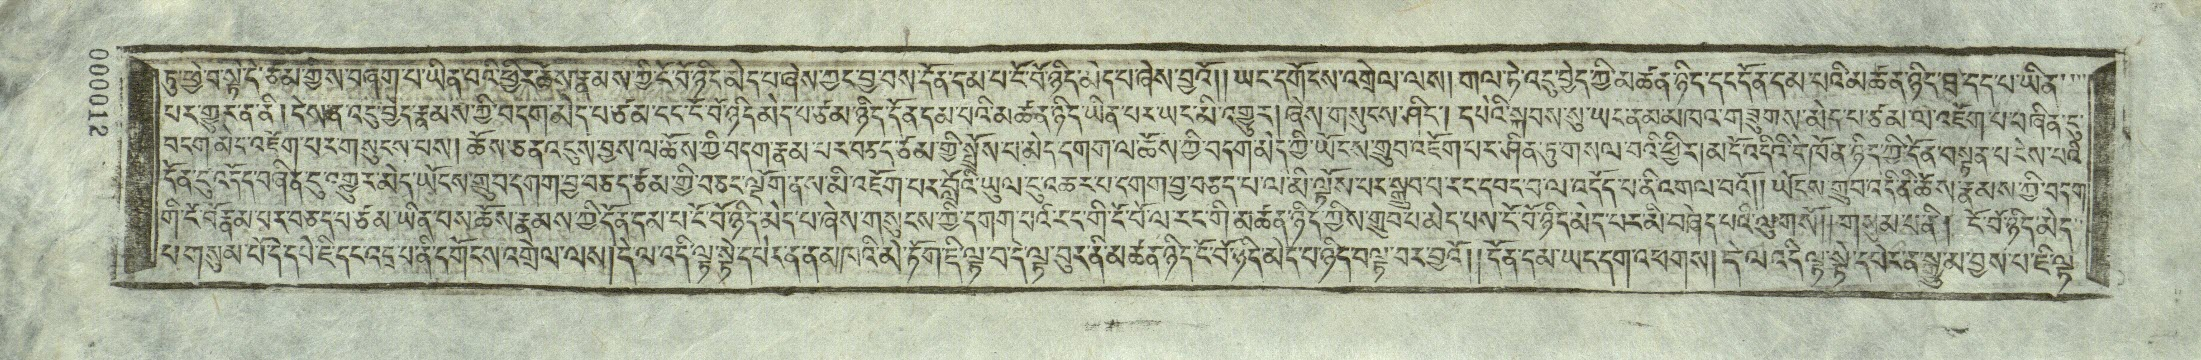ཏུ་ཕྱེ་བ་སྟེ་དེ་ཙམ་གྱིས་བཞག་པ་ཡིན་པའི་ཕྱིར་ཆོས་རྣམས་ཀྱི་ངོ་བོ་ཉིད་མེད་པ་ཞེས་ཀྱང་བྱ་བས་དོན་དམ་པ་ངོ་བོ་ཉིད་མེད་པ་ཞེས་བྱའོ། །ཡང་དགོངས་འགྲེལ་ལས། གལ་ཏེ་འདུ་བྱེད་ཀྱི་མཚན་ཉིད་དང་དོན་དམ་པའི་མཚན་ཉིད་ཐ་དད་པ་ཡིན་
པར་གྱུར་ན་ནི། དེས་ན་འདུ་བྱེད་རྣམས་ཀྱི་བདག་མེད་པ་ཙམ་དང་ངོ་བོ་ཉིད་མེད་པ་ཙམ་ཉིད་དོན་དམ་པའི་མཚན་ཉིད་ཡིན་པར་ཡང་མི་འགྱུར། ཞེས་གསུངས་ཤིང་། དཔེའི་སྐབས་སུ་ཡང་ནམ་མཁའ་གཟུགས་མེད་པ་ཙམ་ལ་འཇོག་པ་བཞིན་དུ་
བདག་མེད་འཇོག་པར་གསུངས་པས། ཆོས་ཅན་འདུས་བྱས་ལ་ཆོས་ཀྱི་བདག་རྣམ་པར་བཅད་ཙམ་གྱི་སྤྲོས་པ་མེད་དགག་ལ་ཆོས་ཀྱི་བདག་མེད་ཀྱི་ཡོངས་གྲུབ་འཇོག་པར་ཤིན་ཏུ་གསལ་བའི་ཕྱིར། མདོ་འདིའི་དེ་ཁོ་ན་ཉིད་ཀྱི་དོན་བསྟན་པ་ངེས་པའི་
དོན་དུ་འདོད་བཞིན་དུ་འགྱུར་མེད་ཡོངས་གྲུབ་དགག་བྱ་བཅད་ཙམ་གྱི་བཅད་ལྡོག་ནས་མི་འཇོག་པར་བློའི་ཡུལ་དུ་འཆར་བ་དགག་བྱ་བཅད་པ་ལ་མི་ལྟོས་པར་སྒྲུབ་པ་རང་དབང་བ་ལ་འདོད་པ་ནི་འགལ་བའོ། །ཡོངས་གྲུབ་འདི་ནི་ཆོས་རྣམས་ཀྱི་བདག་
གི་ངོ་བོ་རྣམ་པར་བཅད་པ་ཙམ་ཡིན་པས་ཆོས་རྣམས་ཀྱི་དོན་དམ་པ་ངོ་བོ་ཉིད་མེད་པ་ཞེས་གསུངས་ཀྱི་དགག་པའི་རང་གི་ངོ་བོ་ལ་རང་གི་མཚན་ཉིད་ཀྱིས་གྲུབ་པ་མེད་པས་ངོ་བོ་ཉིད་མེད་པར་མི་བཞེད་པའི་ལུགས་སོ། །གསུམ་པ་ནི། ངོ་བོ་ཉིད་མེད་
པ་གསུམ་པོ་དེ་དཔེ་དི་དང་འདྲ་པ་ནི་དགོངས་འགྲེལ་ལས། དེ་ལ་འདི་ལྟ་སྟེ་དཔེར་ན་ནམ་ཁའི་མེ་ཏོག་ཇི་ལྟ་བ་དེ་ལྟ་བུར་ནི་མཚན་ཉིད་ངོ་བོ་ཉིད་མེད་པ་ཉིད་བལྟ་བར་བྱའོ། །དོན་དམ་ཡང་དག་འཕགས། དེ་ལ་འདི་ལྟ་སྟེ་དཔེར་ན་སྒྱུ་མ་བྱས་པ་ཇི་ལྟ་